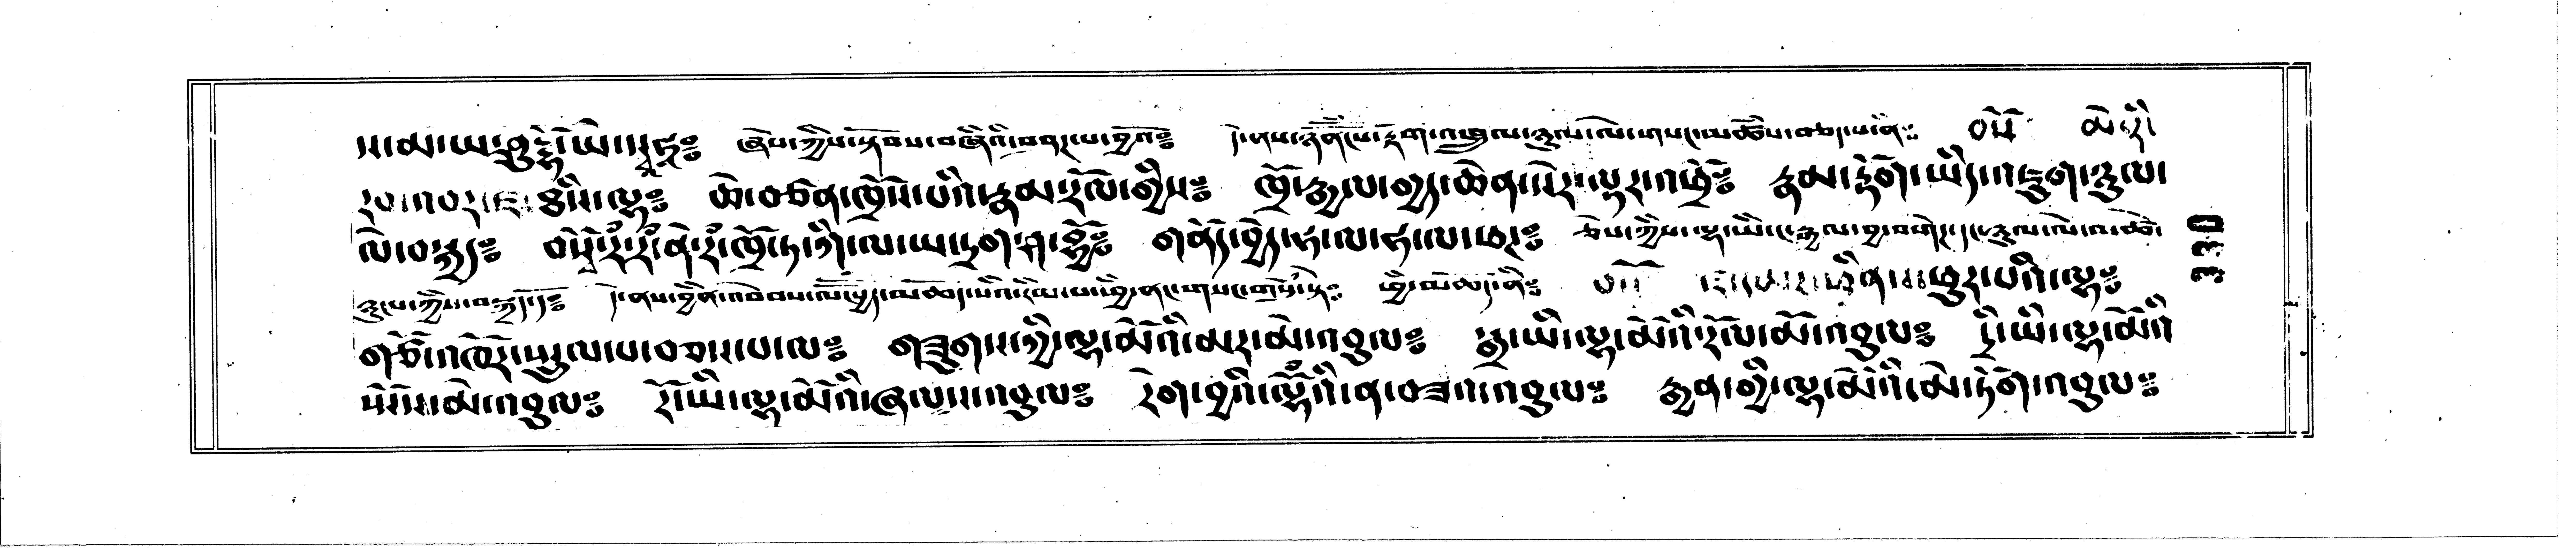ས་མ་ཡ་ཤུདྷོ་ཡེ་སྭཱཧཱ༔ ཞེས་ཀྱིས་སྟོབས་བཞིའི་བཤགས་པ་བྱའོ༔ དེ་ནས་ཉོན་མོངས་རྟོག་འཕྲུལ་ཉུལ་ལེ་གསང་མཚམས་བཅད་པ་ནི༔ བསྭོ༔ མེ་རི་
རབ་འབར་ཛྭ་ཐིས་ལྷ༔ ཆེ་བཙན་ཁྲོས་པའི་རྣམ་རོལ་གྱིས༔ ཁྲོ་རྒྱལ་གྱད་ཆེན་སེར་ལྟར་འཕྲོ༔ རྣམ་རྟོག་ཡིད་འཇུག་ཉུལ་
ལེ་བསྐྲད༔ བསྭོ་རམ་རམ་ནེ་རམ་ཁྲོ་ཏ་ཀི་ལ་ཡ་ཏྲག་ཤ་བྷྱོ༔ གནོད་བྱེད་ཧ་ལ་ཧ་ལ་ཕཊ༔ ཅེས་ཀྱིས་ལྷ་ཡི་ང་རྒྱལ་བྱ་བགེགས་དང་ཉུལ་ལེ་མཚེ་
ཉུངས་ཀྱིས་བསྐྲད་དོ༔ དེ་ནས་བྱིན་འབེབས་ལོངས་སྤྱོད་མཆོད་པའི་རིམ་པ་ཕྱི་ནང་གསང་གསུམ་སྟེ༔ ཕྱི་མཆོད་ནི༔ བསྭོ༔ ཛྭ་དམར་ཕྲིན་ལས་ཕུར་པའི་ལྷ༔ 
གཙོ་འཁོར་སྤྲུལ་པ་བཅས་པ་ལ༔ གཟུགས་ཀྱི་ལྷ་མོའི་མར་མེ་འབུལ༔ སྒྲ་ཡི་ལྷ་མོའི་རོལ་མོ་འབུལ༔ དྲི་ཡི་ལྷ་མོའི་
སྤོས་མེ་འབུལ༔ རོ་ཡི་ལྷ་མོའི་ཞལ་ཟས་འབུལ༔ རེག་བྱའི་ལྷ་མོའི་ན་བཟའ་འབུལ༔ རྒྱན་གྱི་ལྷ་མོའི་མེ་ཏོག་འབུལ༔